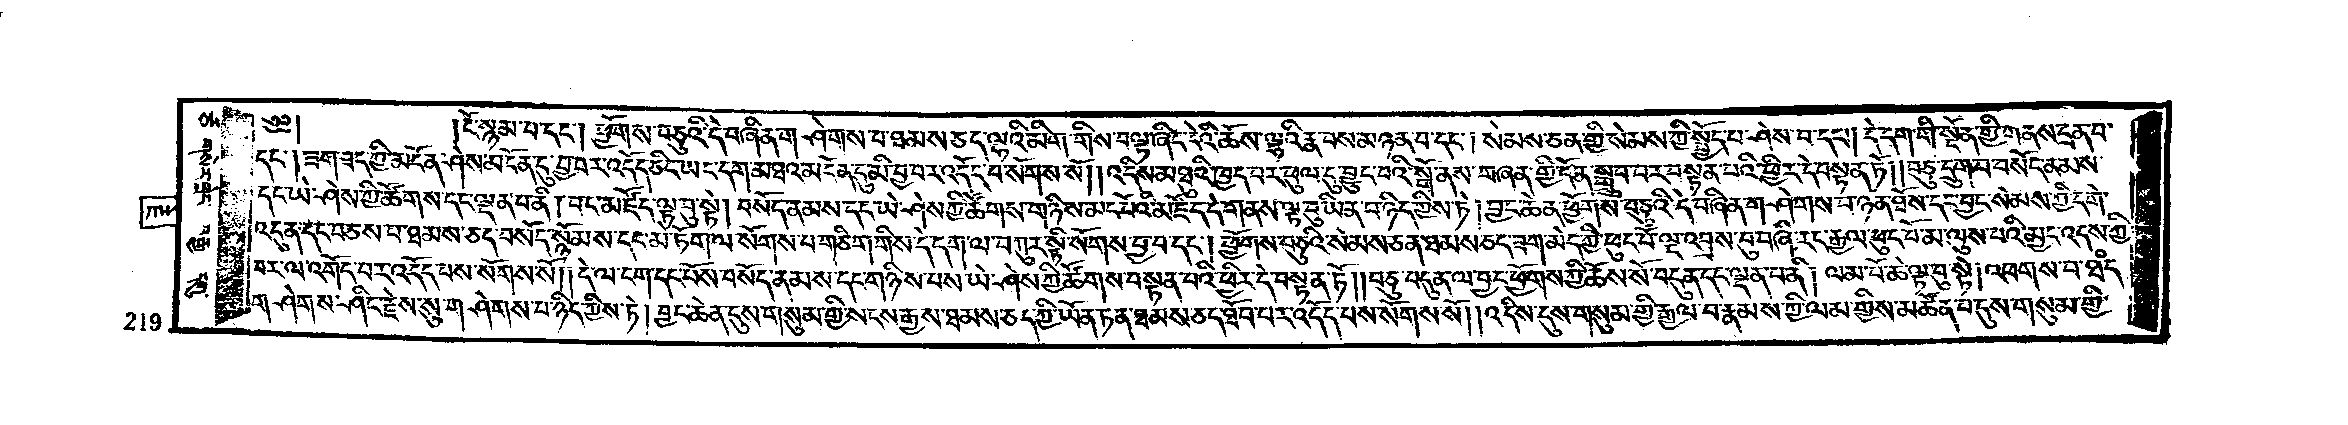༄༅། །ངོ་སྙམ་པ་དང་། ཕྱོགས་བཅུའི་དེ་བཞིན་གཤེགས་པ་ཐམས་ཅད་ལྷའི་མིག་གིས་བལྟ་ཞིང་དེའི་ཆོས་ལྷའི་རྣ་བས་མཉན་པ་དང་། སེམས་ཅན་གྱི་སེམས་ཀྱི་སྤྱོད་པ་ཤེས་པ་དང་། དེ་དག་གི་སྔོན་གྱི་གནས་དྲན་པ་
དང་། ཟག་ཟད་ཀྱི་མངོན་ཤེས་མངོན་དུ་བྱ་བར་འདོད་ཅིང་ཡང་དག་མཐའ་མངོན་དུ་མི་བྱ་བར་འདོད་བ་སོགས་སོ། །འདིས་མཐུའི་ཁྱད་པར་ཕུལ་དུ་བྱུང་བའི་སྒོ་ནས་གཞན་གྱི་དོན་སྒྲུབ་པར་བསྟན་པའི་ཕྱིར་དེ་བསྟན་ཏོ། །བཅུ་དྲུག་པ་བསོད་ནམས་
དང་ཡེ་ཤེས་ཀྱི་ཚོགས་དང་ལྡན་པ་ནི། བང་མཛོད་ལྟ་བུ་སྟེ། བསོད་ནམས་དང་ཡེ་ཤེས་ཀྱི་ཚོགས་གཉིས་མང་པོའི་མཛོད་དེ་གནས་ལྟ་བུ་ཡིན་པ་ཉིད་ཀྱིས་ཏེ། བྱང་ཆེན་ཕྱོགས་བཅུའི་དེ་བཞིན་གཤེགས་པ་ཉན་ཐོས་དང་བྱང་སེམས་ཀྱི་དགེ་
འདུན་དང་བཅས་པ་ཐམས་ཅད་བསོད་སྙོམས་དང་མེ་ཏོག་ལ་སོགས་པ་གཅིག་གིས་དེ་དག་ལ་བཀུར་སྟི་སོགས་བྱ་བ་དང་། ཕྱོགས་བཅུའི་སེམས་ཅན་ཐམས་ཅད་ཟག་མེད་ཀྱི་ཕུང་པོ་ལྔ་འབྲས་བུ་བཞི་རང་རྒྱལ་ཕུང་པོ་མ་ལུས་པའི་མྱང་འདས་ཀྱི་
བར་ལ་འགོད་པར་འདོད་པས་སོགས་སོ། །དེ་ལ་ངག་དང་པོས་བསོད་ནམས་དང་གཉིས་པས་ཡེ་ཤེས་ཀྱི་ཚོགས་བསྟན་པའི་ཕྱིར་དེ་བསྟན་ཏོ། །བཅུ་བདུན་ལ་བྱང་ཕྱོགས་ཀྱི་ཆོས་སོ་བདུན་དང་ལྡན་པ་ནི། ལམ་པོ་ཆེ་ལྟ་བུ་སྟེ། འཕགས་པ་ཐམས་ཅད་
གཤེགས་ཤིང་རྗེས་སུ་གཤེགས་པ་ཉིད་ཀྱིས་ཏེ། བྱང་ཆེན་དུས་གསུམ་གྱི་སངས་རྒྱས་ཐམས་ཅད་ཀྱི་ཡོན་ཏན་ཐམས་ཅད་ཐོབ་པར་འདོད་པས་སོགས་སོ། །འདིས་དུས་གསུམ་གྱི་རྒྱལ་བ་རྣམས་ཀྱི་ལམ་གྱིས་མཚོན་པ་དུས་གསུམ་གྱི་